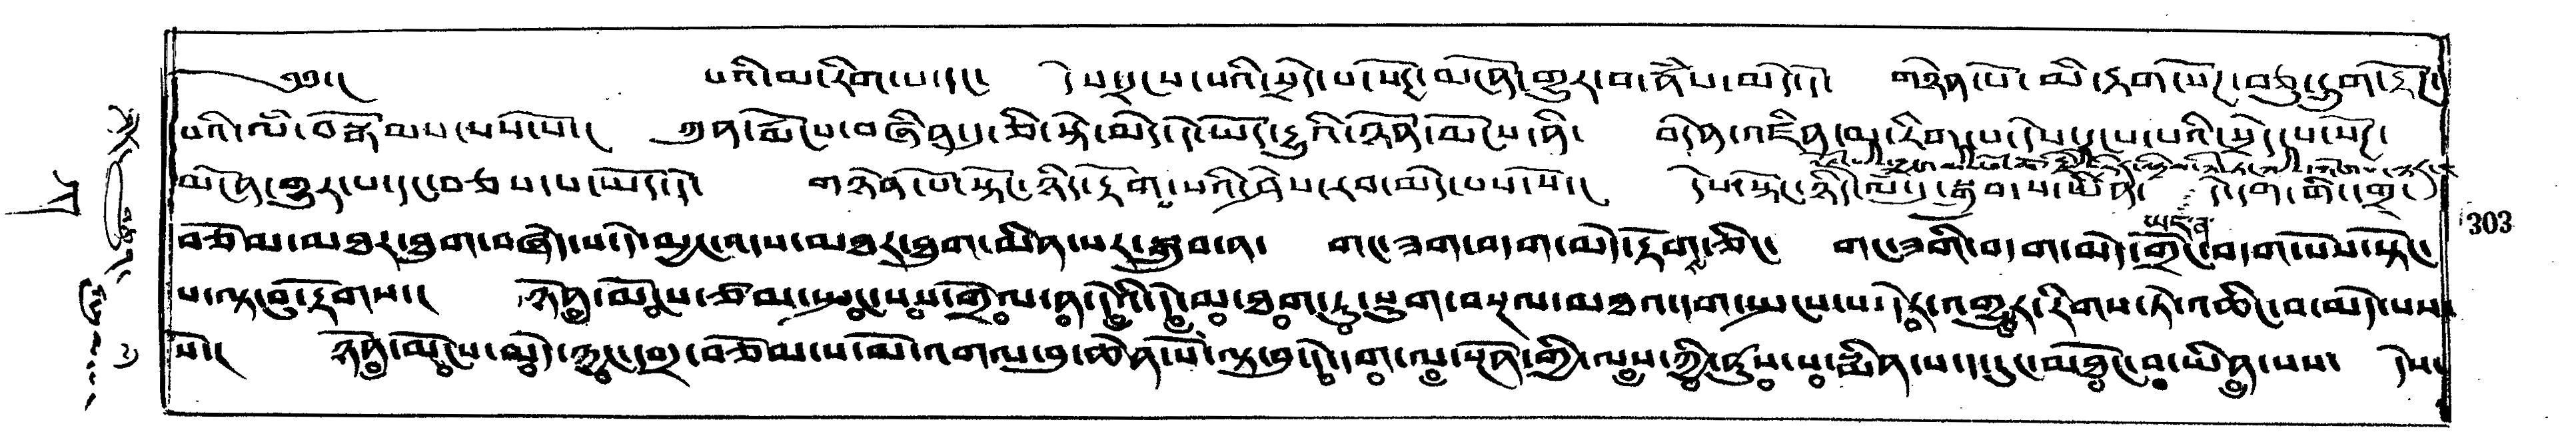པའི་མ་རིག་པ་དང་། དེས་དྲངས་པའི་སྲེད་པ་སོགས་མངོན་གྱུར་བ་རྣམས་མེད་དོ། གཉེན་པོ་མི་རྟག་སོགས་བཅུ་དྲུག་རྟོགས་
པའི་ལམ་བསྒོམས་པས་སོ། ཀུན་རྨོངས་བཞིན་དུ་ཅི་སྟེ་མེད་དེ་ཡོད་རྒྱུའི་ཉོན་མོངས་ནི།བདེན་འཛིན་མ་རིག་པ་དེས་དྲངས་པའི་སྲེད་པ་སོགས་
མངོན་གྱུར་པ་དང་བཅས་པ་ཡོད་དེ། གཉེན་པོ་སྟོང་ཉིད་རྟོགས་པའི་ཤེས་རབ་མེད་པས་སོ། དེས་སྟོང་ཉིད་ལམ་དུ་སྒྲུབ་པ་ཡིན། ཡང་ན་འཇམ་པའི་དབྱངས་མི་ཕམ་ཆོས་རྗེའི་ཤེར་འགྲེལ་ཀེ་ཏ་ཀིའི་དགོངས་པ་ལྟར་ན། དེ་དག་གི་དགྲ་
བཅོམ་མཐར་ཐུག་བཞེད་པ་དེ་མྱང་འདས་མཐར་ཐུག་མིན་པར་སྒྲུབ་ན། གང་ཟག་བདག་མེད་རྟོགས་ཤིང་། གང་ཟག་གི་བདག་མེད་གྲོང་བདག་པོས་སྟོངས་
པ་ལྟ་བུ་རྟོགས། ཉོན་མོངས་ཙམ་སྤང་པས་གྲོལ་ན་དེའི་དེ་མ་ཐག་ཏུ་སྡུག་བསྔལ་མཐའ་དག་སྤངས་པ་དེར་འགྱུར་རིགས་ཏེ་འཆིང་བ་མེད་པས་
སོ། ཉོན་མོངས་མེད་ཀྱང་དགྲ་བཅོམ་པ་མོ་འགལ་གྱི་བུ་ཆེན་པོ་ལྟ་བུ་དེ་དག་ལ་སྔོན་གྱི་ལས་ཀྱི་ནུས་པ་སྨིན་པ་ད་དུང་མཐོང་བ་ཡིན་པས། དེས་